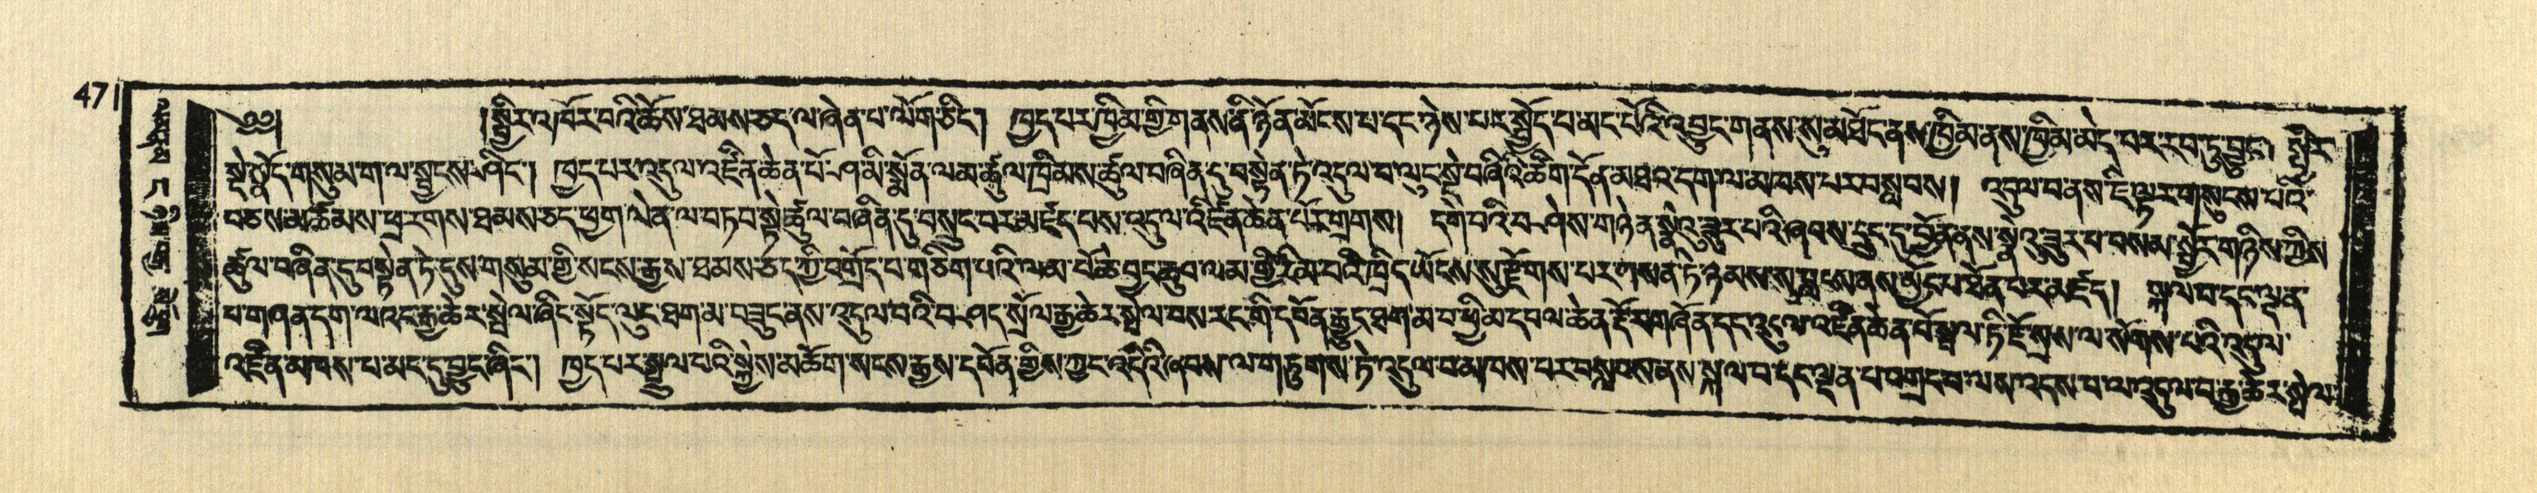༄༅། །སྤྱིར་འཁོར་བའི་ཆོས་ཐམས་ཅད་ལ་ཞེན་པ་ལོག་ཅིང་། ཁྱད་པར་ཁྱིམ་གྱི་གནས་ནི་ཉོན་མོངས་པ་དང་ཉེས་པར་སྤྱོད་པ་མང་པོའི་འབྱུང་གནས་སུ་མཐོང་ནས་ཁྱིམ་ནས་ཁྱིམ་མེད་པར་རབ་ཏུ་བྱུང་། སྤྱིར་
སྡེ་སྣོད་གསུམ་ག་ལ་སྦྱངས་ཤིང་། ཁྱད་པར་འདུལ་འཛིན་ཆེན་པོ་ཤ་མི་སྨོན་ལམ་ཚུལ་ཁྲིམས་ཚུལ་བཞིན་དུ་བསྟེན་ཏེ་འདུལ་བ་ལུང་སྡེ་བཞིའི་ཚིག་དོན་མཐའ་དག་ལ་མཁས་པར་བསླབས། འདུལ་བ་ནས་ཇི་ལྟར་གསུངས་པའི་
བཅས་མཚམས་ཕྲ་རགས་ཐམས་ཅད་ཕྱག་ལེན་ལ་བཏབ་སྟེ་ཚུལ་བཞིན་དུ་བསྲུང་བར་མཛད་པས་འདུལ་འཛིན་ཆེན་པོར་གྲགས། དགེ་བའི་བཤེས་གཉེན་སྣེའུ་ཟུར་པའི་ཞབས་དྲུང་དུ་བྱོན་ནས་སྣེའུ་ཟུར་པ་བསམ་སྤྱོར་གཉིས་ཀྱིས་
ཚུལ་བཞིན་དུ་བསྟེན་ཏེ་དུས་གསུམ་གྱི་སངས་རྒྱས་ཐམས་ཅད་ཀྱི་བགྲོད་པ་གཅིག་པའི་ལམ་པོ་ཆེ་བྱང་ཆུབ་ལམ་གྱི་རིམ་པའི་ཁྲིད་ཡོངས་སུ་རྫོགས་པར་གསན་ཏི་ཉམས་སུ་བླངས་ནས་མྱོང་པ་ཐོན་པར་མཛད། སྐལ་བ་དང་ལྡན་
པ་གཞན་དག་ལའང་རྒྱ་ཆེར་སྤེལ་ཞིང་སྟོད་ལུང་ཐག་མ་བཟུང་ནས་འདུལ་བའི་བཤད་སྲོལ་རྒྱ་ཆེར་སྤེལ་བས་རང་གི་དབོན་རྒྱུང་ཐག་མ་བ་ཕྱི་མ་དཔལ་ཆེན་རྡོར་གཞོན་དང་འདུལ་འཛིན་ཆེན་པོ་སྦལ་ཏི་ཇོ་སྲས་ལ་སོགས་པའི་འདུལ་
འཛིན་མཁས་པ་མང་དུ་བྱུང་ཞིང་། ཁྱད་པར་སྤྲུལ་པའི་སྐྱེས་མཆོག་སངས་རྒྱས་དཔོན་གྱིས་ཀྱང་འདིའི་ཞབས་ལ་གཏུགས་ཏེ་འདུལ་བ་མཁས་པར་བསླབས་ནས་སྐལ་བ་དང་ལྡན་པ་བགྲང་བ་ལས་འདས་པ་ལ་འདུལ་བ་རྒྱ་ཆེར་སྤེལ་